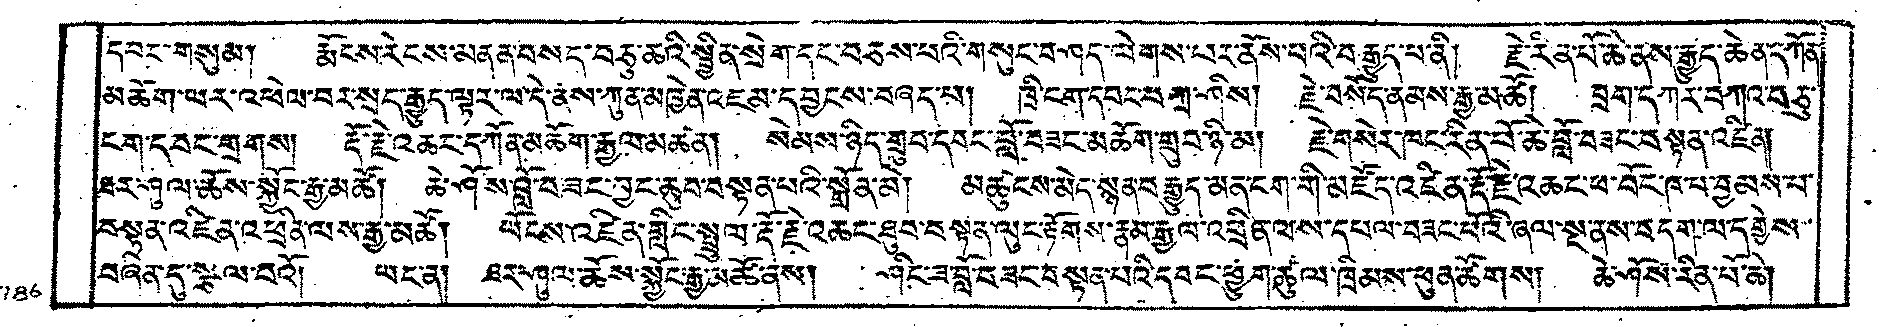དབང་གསུམ། རྨོངས་རེངས་མནན་བསད་བཅུ་ཆའི་སྦྱིན་སྲེག་དང་བཅས་པའི་གསུང་བཤད་ལེགས་པར་ནོས་པའི་བརྒྱུད་པ་ནི། རྗེ་རིན་པོ་ཆེ་ནས་རྒྱུད་ཆེན་དཀོན་
མཆོག་ཡར་འཕེལ་བར་སྲད་རྒྱུད་ལྟར་ལ་དེ་ནས་ཀུན་མཁྱེན་འཇམ་དབྱངས་བཞད་པ། ཁྲི་ངག་དབང་བཀྲ་ཤིས། རྗེ་བསོད་ནམས་རྒྱ་མཚོ། བྲག་དཀར་བཀའ་བཅུ་
ངག་དབང་གྲགས། རྡོ་རྗེ་འཆང་དཀོན་མཆོག་རྒྱལ་མཚན། སེམས་ཉིད་གྲུབ་དབང་བློ་བཟང་མཆོག་གྲུབ་ཉི་མ། རྗེ་གསེར་ཁང་རིན་པོ་ཆེ་བློ་བཟང་བསྟན་འཛིན།
ཐར་ཤུལ་ཆོས་སྐྱོང་རྒྱ་མཚོ། ཆེ་ཤོས་བློ་བཟང་བྱང་ཆུབ་བསྟན་པའི་སྒྲོན་མེ། མཚུངས་མེད་སྙན་བརྒྱུད་མན་ངག་གི་མཛོད་འཛིན་རྡོ་རྗེ་འཆང་ཕ་བོང་ཁ་པ་བྱམས་པ་
བསྟན་འཛིན་འཕྲིན་ལས་རྒྱ་མཚོ། ཡོངས་འཛིན་གླིང་སྤྲུལ་རྡོ་རྗེ་འཆང་ཐུབ་བསྟན་ལུང་རྟོགས་རྣམ་རྒྱལ་འཕྲིན་ལས་དཔལ་བཟང་པོའི་ཞལ་སྔ་ནས་བདག་ལ་དགྱེས་
བཞིན་དུ་སྩལ་བའོ། ཡང་ན། ཐར་ཤུལ་ཆོས་སྐྱོང་རྒྱ་མཚོ་ནས། ཤིང་ཟ་བློ་བཟང་བསྟན་པའི་དབང་ཕྱུག་ཚུལ་ཁྲིམས་ཕུན་ཚོགས། ཆེ་ཤོས་རིན་པོ་ཆེ།